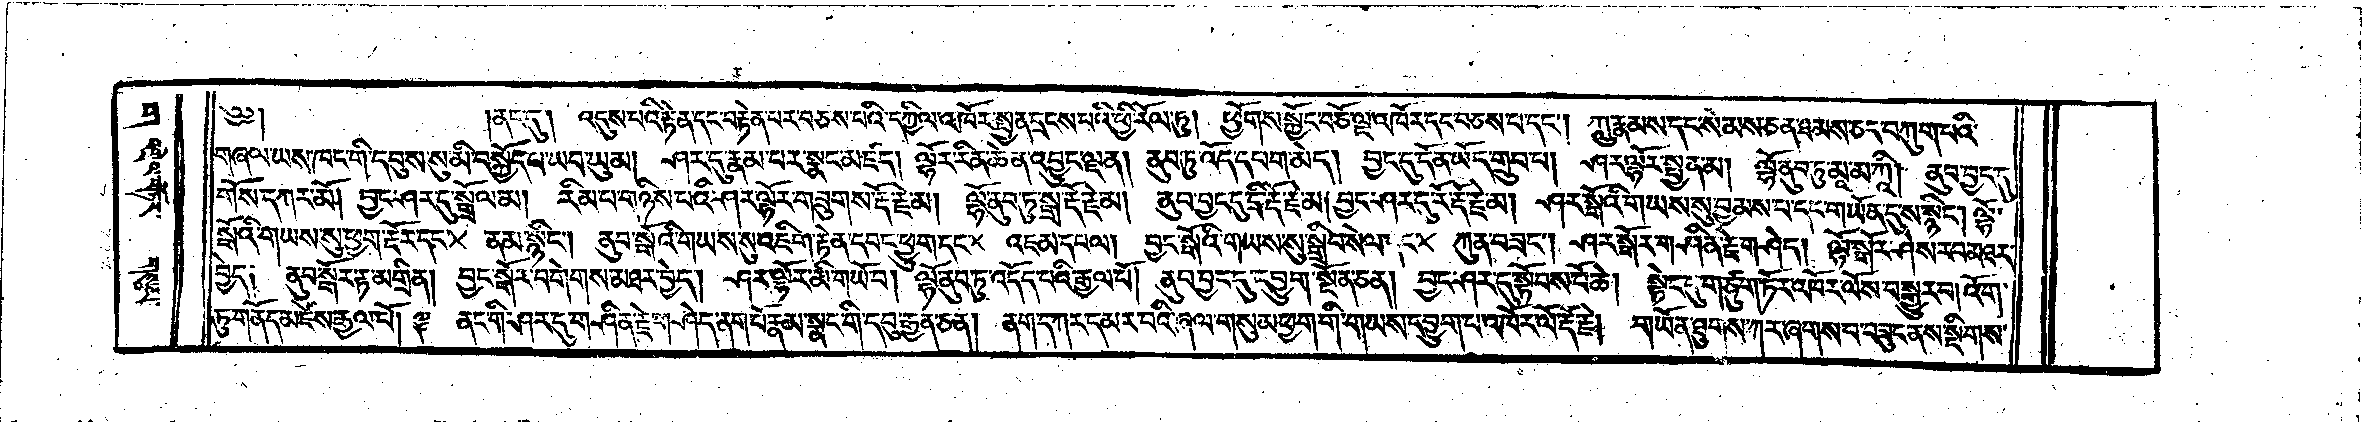༄༅། །ནང་དུ། འདུས་པའི་རྟེན་དང་བརྟེན་པར་བཅས་པའི་དཀྱིལ་འཁོར་སྤྱན་དྲངས་པའི་ཕྱི་རོལ་ཏུ། ཕྱོགས་སྐྱོང་བཅོ་ལྔ་འཁོར་དང་བཅས་པ་དང་། ཀླུ་རྣམས་དང་སེམས་ཅན་ཐམས་ཅད་བཀུག་པའི་
གཞལ་ཡས་ཁང་གི་དབུས་སུ་མི་བསྐྱོད་པ་ཡབ་ཡུམ། ཤར་དུ་རྣམ་པར་སྣང་མཛད། ལྷོར་རིན་ཆེན་འབྱུང་ལྡན། ནུབ་ཏུ་འོད་དཔག་མེད། བྱང་དུ་དོན་ཡོད་གྲུབ་པ། ཤར་ལྷོར་སྤྱན་མ། ལྷོ་ནུབ་ཏུ་མཱ་མ་ཀཱི། ནུབ་བྱང་དུ་
གོས་དཀར་མོ། བྱང་ཤར་དུ་སྒྲོལ་མ། རིམ་པ་གཉིས་པའི་ཤར་ལྷོར་གཟུགས་རྡོ་རྗེ་མ། ལྷོ་ནུབ་ཏུ་སྒྲ་རྡོ་རྗེ་མ། ནུབ་བྱང་དུ་དྲི་རྡོ་རྗེ་མ། བྱང་ཤར་དུ་རོ་རྡོ་རྗེ་མ། ཤར་སྒོའི་གཡས་སུ་བྱམས་པ་དང་གཡོན་དུ་ས་སྙིང་། ལྷོ་
སྒོའི་གཡས་སུ་ཕྱག་རྡོར་དང་྾་ནམ་སྙིང་། ནུབ་སྒོའི་གཡས་སུ་འཇིག་རྟེན་དབང་ཕྱུག་དང་྾་འཇམ་དཔལ། བྱང་སྒོའི་གཡས་སུ་སྒྲིབ་སེལ་དང་྾་ཀུན་བཟང་། ཤར་སྒོར་གཤིན་རྗེ་གཤེད། ལྷོ་སྒོར་ཤེས་རབ་མཐར་
བྱེད༑ ནུབ་སྒོར་རྟ་མགྲིན། བྱང་སྒོར་བགེགས་མཐར་བྱེད། ཤར་ལྷོར་མི་གཡོ་བ། ལྷོ་ནུབ་ཏུ་འདོད་པའི་རྒྱལ་པོ། ནུབ་བྱང་དུ་དབྱུག་སྔོན་ཅན། བྱང་ཤར་དུ་སྟོབས་པོ་ཆེ། སྟེང་དུ་གཙུག་ཏོར་འཁོར་ལོས་བསྒྱུར་བ། འོག་
ཏུ་གནོད་མཛེས་རྒྱལ་པོ། ༈ ནང་གི་ཤར་དུ་གཤིན་རྗེ་གཤེད་ནག་པོ་རྣམ་སྣང་གི་དབུ་རྒྱན་ཅན། ནག་དཀར་དམར་བའི་ཞལ་གསུམ་ཕྱག་གི་གཡས་དབྱུག་པ་འཁོར་ལོ་རྡོ་རྗེ། གཡོན་ཐུགས་ཀར་ཞགས་པ་བཟུང་ནས་སྡིགས་